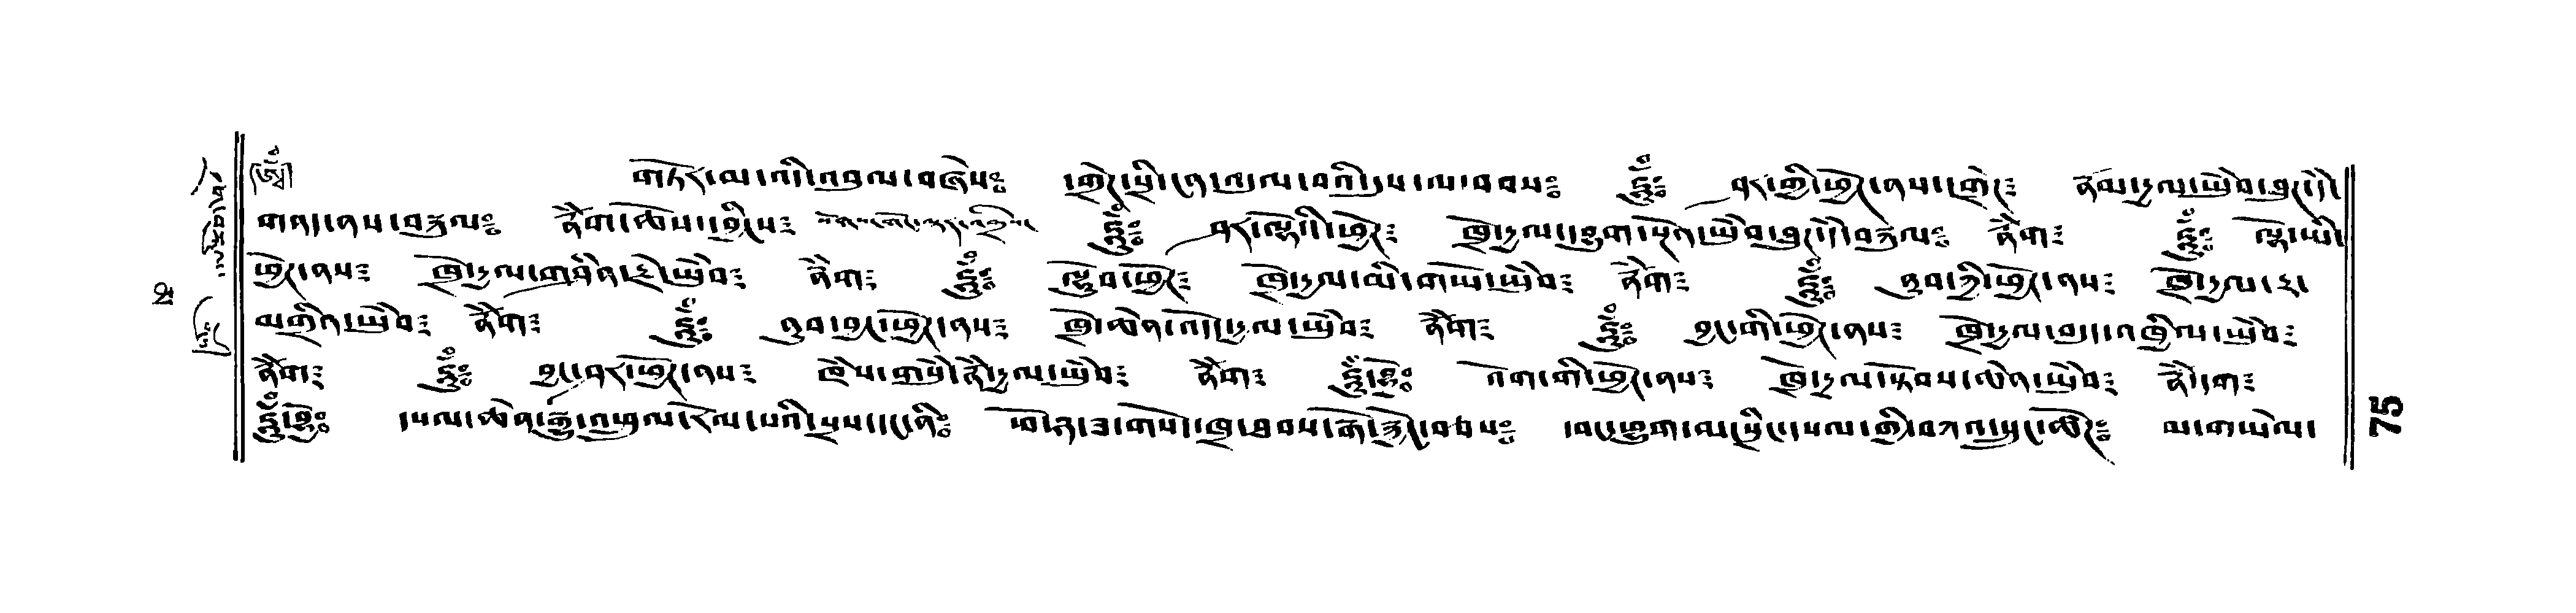གཏོར་མ་འདི་འབུལ་བཞེས༔ དགྲ་བགེགས་སྲི་ངན་འདུལ་བའི་དུས་ལ་བབས༔ ཧཱུྃ༔ ཤར་གྱི་ཕྱོགས་ནས་དགྲེགས༴ རྣམ་རྒྱལ་ཡབ་ཡུམ་ཐུགས་དམ་
གནད་ནས་བསྐུལ༔ རྣམ་དག་ཆོས་དབྱིངས་སོགས་གོང་ལྟར་འགྲེས༔ ཧཱུྃ༔ ཤར་ལྷོའི་ཕྱོགས༴ ཁྲོ་རྒྱལ་དབྱུུག་སྔོན་ཡབ་ཡུམ་ཐུགས་དམ་བསྐུལ༔ རྣམ་དག༴ ཧཱུྃ༔ ལྷོ་ཡི་
ཕྱོགས་ནས༴ ཁྲོ་རྒྱལ་གཤིན་རྗེ་ཡབ་ཡུམ༴ རྣམ་དག༴ ཧཱུྃ༔ ལྷོ་ནུབ་ཕྱོགས༴ ཁྲོ་རྒྱལ་མི་གཡོ་ཡབ་ཡུམ༴ རྣམ་དག༴ ཧཱུྃ༔ ནུབ་ཀྱི་ཕྱོགས་ནས༴ ཁྲོ་རྒྱལ་རྟ་
མགྲིན་ཡབ་ཡུམ༴ རྣམ་དག༴ ཧཱུྃ༔ ནུབ་བྱང་ཕྱོགས་ནས༴ ཁྲོ་ཆེན་འདོད་རྒྱལ་ཡབ་ཡུམ༴ རྣམ་དག༴ ཧཱུྃ༔ བྱང་གི་ཕྱོགས་ནས༴ ཁྲོ་རྒྱལ་བདུད་འཁྱིལ་ཡབ་ཡུམ༴ 
རྣམ་དག༴ ཧཱུྃ༔ བྱང་ཤར་ཕྱོགས་ནས༴ ཁམས་གསུམ་རྣམ་རྒྱལ་ཡབ་ཡུམ༴ རྣམ་དག༴ ཧཱུྃ་བྷྱོ༔ འོག་གི་ཕྱོགས་ནས༴ ཁྲོ་རྒྱལ་སྟོབས་ཆེན་ཡབ་ཡུམ༴ རྣམ་དག༴ 
ཧཱུྃ་བྷྱོ༔ དཔལ་ཆེན་སྒྱུ་འཕྲུལ་རོལ་པའི་སྲས་དང་ནི༔ ཕོ་ཉ་ཟ་གསོད་ཁྲ་ཐབས་སྒོ་སྐྱོང་བཅས༔ དབང་ཕྱུག་མ་སྲིང་དཔལ་གྱི་བཀའ་སྲུང་ཚོགས༔ མ་གཡེལ་